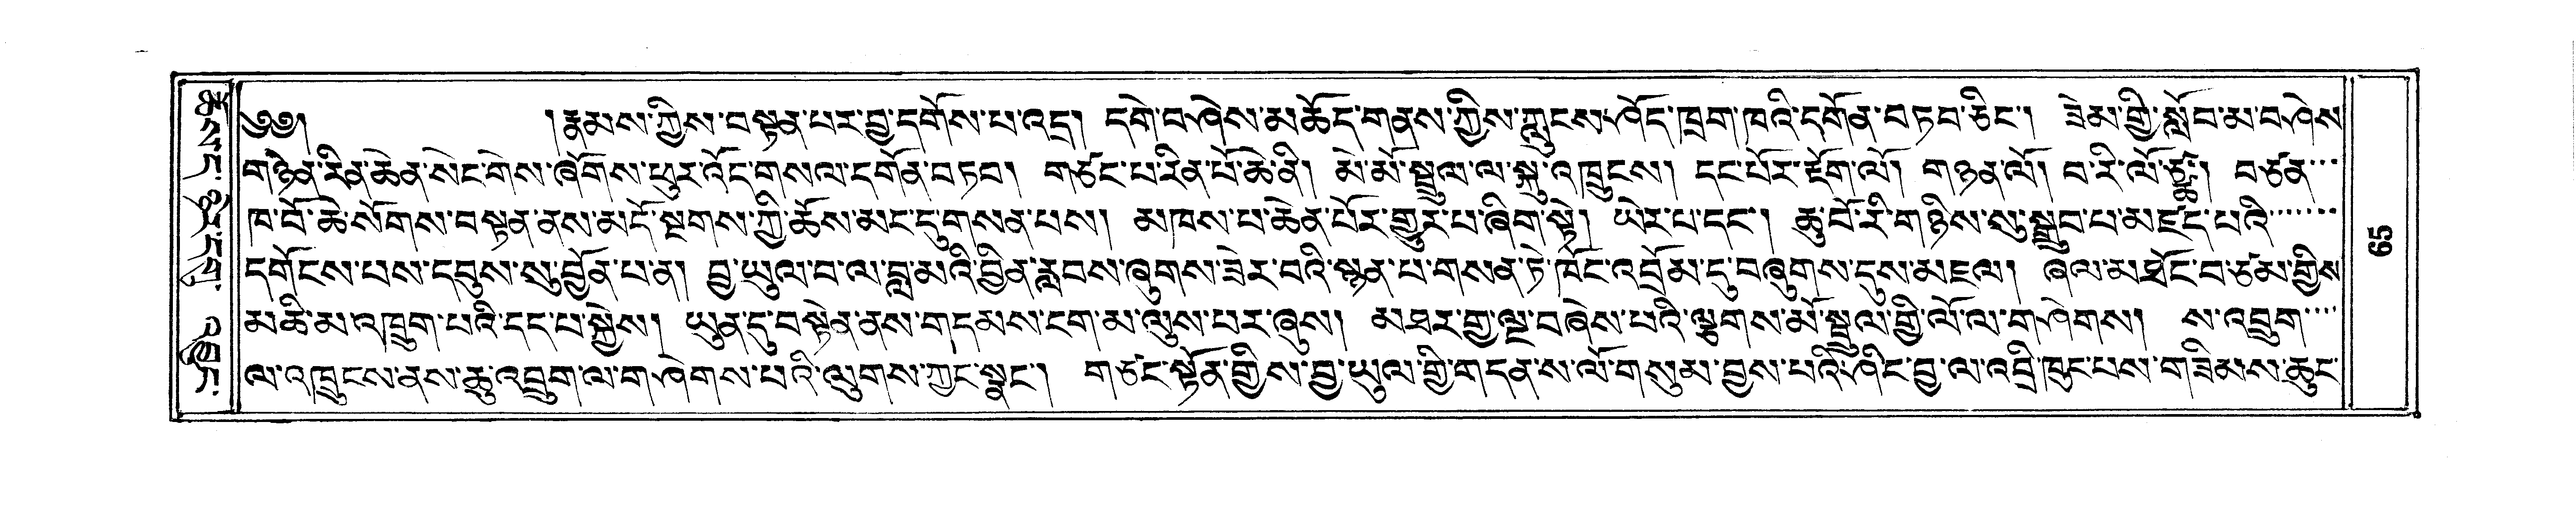༄༅། །རྣམས་ཀྱིས་བསྟན་པར་བྱ་དགོས་པ་འདྲ། དགེ་བཤེས་མཆོད་གནས་ཀྱིས་ཀླུངས་ཤོད་ཁྲག་ཁའི་དགོན་བཏབ་ཅིང་། ཟེམ་གྱི་སློབ་མ་བཤེས་
གཉེན་རིན་ཆེན་སེང་གེས་ཞོགས་ཕུར་འོད་གསལ་དགོན་བཏབ། གཙང་པ་རིན་པོ་ཆེ་ནི། མེ་མོ་སྦྲུལ་ལ་སྐུ་འཁྲུངས། དང་པོར་རྡོག་ལོ། གཉན་ལོ། བ་རི་ལོ་ཙྪ། བཙན་
ཁ་བོ་ཆེ་སོགས་བསྟན་ནས་མདོ་སྔགས་ཀྱི་ཆོས་མང་དུ་གསན་པས། མཁས་པ་ཆེན་པོར་གྱུར་པ་ཞིག་སྟེ། ཡེར་པ་དང་། ཆུ་བོ་རི་གཉིས་སུ་སྒྲུབ་པ་མཛད་པའི་
དགོངས་པས་དབུས་སུ་བྱོན་པ་ན། བྱ་ཡུལ་བ་ལ་བླ་མའི་བྱིན་རླབས་ཞུགས་ཟེར་བའི་སྙན་པ་གསན་ཏེ་ཁོང་འབྲོམ་དུ་བཞུགས་དུས་མཇལ། ཞལ་མཐོང་བ་ཙམ་གྱིས་
མཆི་མ་འཁྲུག་པའི་དད་པ་སྐྱེས། ཡུན་དུ་བསྟེན་ནས་གདམས་ངག་མ་ལུས་པར་ཞུས། མཐར་གྱ་ལྔ་བཞེས་པའི་ལྕགས་མོ་སྦྲུལ་གྱི་ལོ་ལ་གཤེགས། ས་འབྲུག་
ལ་འཁྲུངས་ནས་ཆུ་འབྲུག་ལ་གཤེགས་པའི་ལུགས་ཀྱང་སྣང་། གཙང་སྟོན་གྱིས་བྱ་ཡུལ་གྱི་གདན་ས་ལོ་གསུམ་བྱས་པའི་ཤིང་བྱ་ལ་འབྲི་ཁུང་པས་གཟིམས་ཆུང་